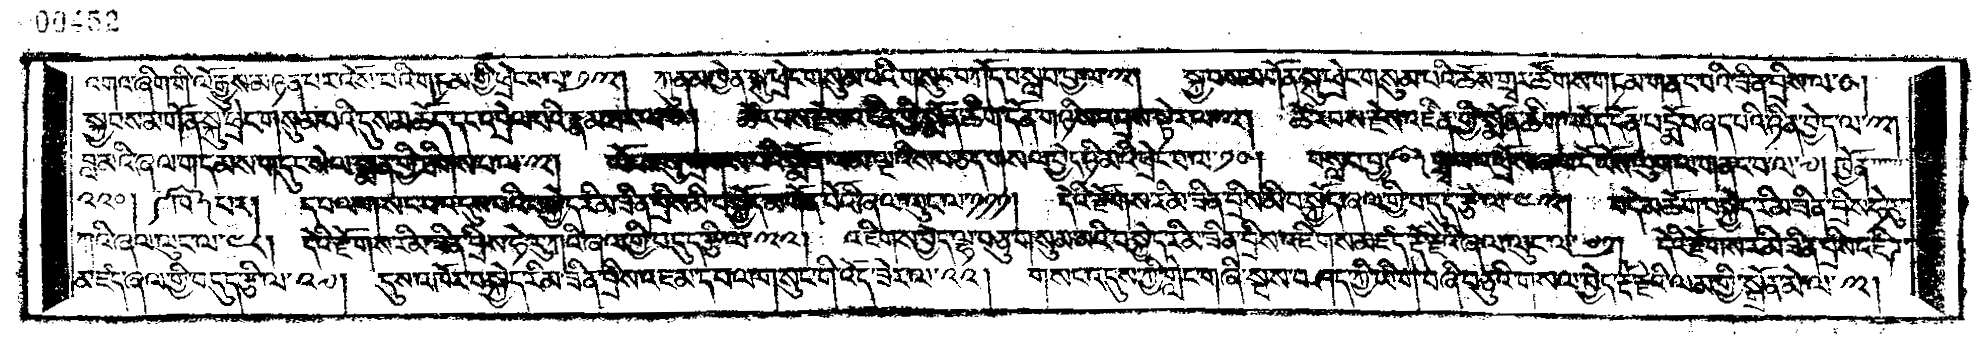འགའ་ཞིག་གི་ལོ་རྒྱུས་མཉན་པར་འོས་པའི་གཏམ་གྱི་ཕྲེང་བ་ལ ༡༣། ཀུན་མཁྱེན་སྐུ་ཕྲེང་གསུམ་པའི་གསུང་བཀོད་བསླབ་བྱ་ལ༣། སྐྱབས་མགོན་སྐུ་ཕྲེང་གསུམ་པའི་ཆོ་གྲྭར་ཚོགས་གཏམ་གནང་པའི་ཟིན་བྲིས་ལ༦།
སྐྱབས་མགོན་སྐུ་ཕྲེང་གསུམ་པའི་དུས་མཆོད་དང་འབྲེལ་བའི་རྣམ་ཐར་ལ༦། ཚེ་རབས་རྗེས་བའི་ཟིན་གྱི་སྨོན་ཚིག་དོན་གཉིས་འབྲས་སྟེར་ལ༣། ཚེ་རབས་རྗེས་འཛིན་གྱི་སྨོན་ཚིག་འདོད་དོན་པདམོ་བཞད་པའི་ཉིན་བྱེད་ལ༣།
བླ་མའི་ཞལ་གདམས་གདུང་སེལ་སྨན་གྱི་ཐིགས་པ་ལ༣། ཡོངས་སུ་གྲགས་པའི་སྨོན་ལམ་ལྔའི་ས་བཅད་གསལ་བྱེད་ཉི་མའི་ཕྲེང་བ་ལ༡༠། བསླབ་བྱ ༼྾༽ གྲྭལ་འཕྲོས་ཞལ་ངོ་ཡོས་ལུག་ལ་གནང་བ་ལ༧། ཁྱོན་
༢༢༠། ༼ཁ༽ པར། དཔལ་གསང་བ་འདུས་པའི་བསྐྱེད་རིམ་ཟིན་བྲིས་མི་བསྐྱོད་མགོན་པོའི་ཞལ་ལུང་ལ༡༡༡། དེའི་རྫོགས་རིམ་ཟིན་བྲིས་མི་བསྐྱོད་ཞལ་གྱི་བདུད་རྩེ་ལ༤༣། བདེ་མཆོ་བསྐྱེད་རིམ་ཟིན་བྲིས་ཧེ་རུ་
ཀའི་ཞལ་ལུང་ལ༤༨། དེའི་རྫོགས་རིམ་ཟིན་བྲིས་ཧེ་རུ་ཀའི་ཞལ་གྱི་བདུད་རྩི་ལ༣༢། འཇིགས་བྱེད་ལྷ་བཅུ་གསུམ་མའི་བསྐྱེད་རིམ་ཟིན་བྲིས་འཇིགས་མཛད་རྡོ་རྗེའི་ཞལ་ལུང་ལ༧༡། དེའི་རྫོགས་རིམ་ཟིན་བྲིས་འཇིཌ་
མཛད་ཞལ་གྱི་བདུད་རྩི་ལ༢༧། དུས་འཁོར་བསྐྱེད་རིམ་ཟིན་བྲིས་འཇམ་དཔལ་གསུང་གི་འོད་ཟེར་ལ༢༢། གསང་འདུས་ཀྱི་གླེང་གཞི་སྦས་བཤད་ཀྱི་ཡི་གེ་བཞི་བཅུའི་གསལ་བྱེད་རྡོ་རྗེའི་ལམ་གྱི་སྒྲོན་མེ་ལ ༣།